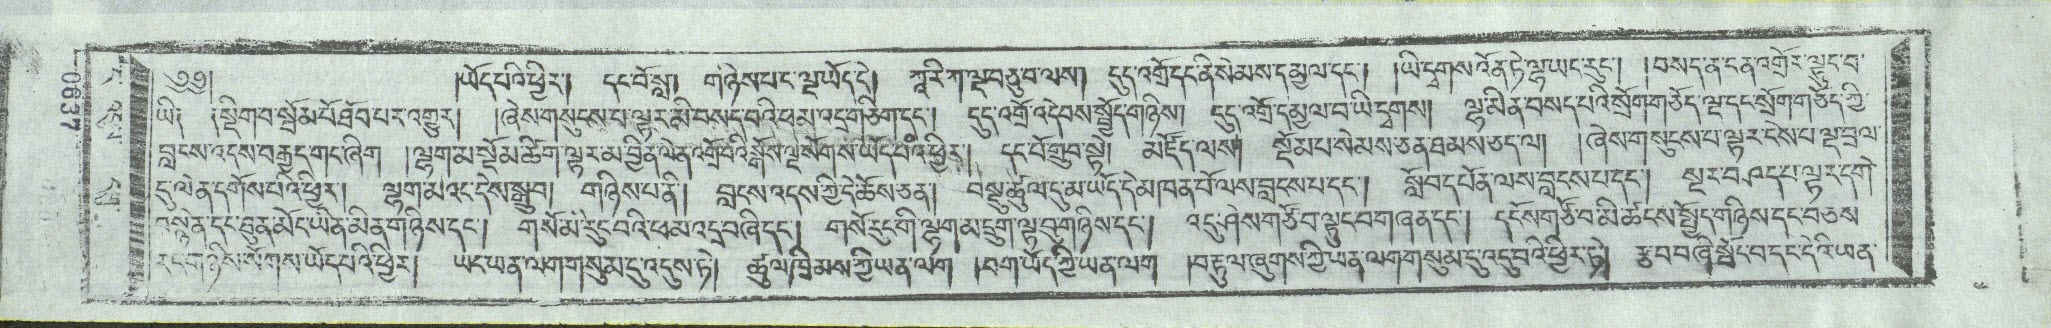༄༅། །ཡོད་པའི་ཕྱིར། དང་པོ་སླ། གཉིས་པ་ང་ལྔ་ཡོད་དེ། ཀཱ་རི་ཀ་ལྔ་བཅུ་པ་ལས། དུད་འགྲོ་དང་ནི་སེམས་དམྱལ་དང་། །ཡི་དྭགས་འོན་ཏེ་ལྷ་ཡང་རུང་། །བསད་ན་ངན་འགྲོར་ལྟུང་བ་
ཡི༑ ༑སྡིག་པ་སྦོམ་པོ་ཐོབ་པར་འགྱུར། །ཞེས་གསུངས་པ་ལྟར་མི་བསད་པའི་ཕམ་འདྲ་གཅིག་དང་། དུད་འགྲོ་འདེབས་སྤྱོད་གཉིས། དུད་འགྲོ་དམྱལ་བ་ཡི་དྭགས། ལྷ་མིན་བསད་པའི་སྲོག་གཅོད་ལྔ་དང་སྲོག་གཅོད་ཀྱི་
བླངས་འདས་བརྒྱད་གང་ཞིག །ལྷག་མ་སྡོམ་ཚིག་ལྟར་མ་བྱིན་ལེན་འགྲོ་བའི་སྒོས་ལྔ་སོགས་ཡོད་པའི་ཕྱིར། དང་པོ་གྲུབ་སྟེ། མཛོད་ལས། སྡོམ་པ་སེམས་ཅན་ཐམས་ཅད་ལ་།ཞེས་གསུངས་པ་ལྟར་ངེས་པ་ལྔ་བྲལ་
དུ་ལེན་དགོས་པའི་ཕྱིར། ལྷག་མའང་དེས་སྒྲུབ། གཉིས་པ་ནི། བླངས་འདས་ཀྱི་དེ་ཆོས་ཅན། བསྡུ་ཚུལ་དུ་མ་ཡོད་དེ་མཁན་པོ་ལས་བླངས་པ་དང་། སློབ་དཔོན་ལས་བླངས་པ་དང་། སྔར་བཤད་པ་ལྟར་དགེ་
བསྙེན་དང་ཐུན་མོང་ཡིན་མིན་གཉིས་དང་། གསོ་མི་རུང་བའི་ཕམ་འདྲ་བཞི་དང་། གསོ་རུང་གི་ལྷག་མ་དྲུག་ལྟ་བུ་གཉིས་དང་། འདུ་ཤེས་གཙོ་བ་ལྟུང་བ་གཞན་དང་། དངོས་གཙོ་བ་མི་ཚངས་སྤྱོད་གཉིས་དང་བཅས་
རང་གཉིས་སོགས་ཡོད་པའི་ཕྱིར། ཡང་ཡན་ལག་གསུམ་དུ་འདུས་ཏེ། ཚུལ་ཁྲིམས་ཀྱི་ཡན་ལག །བག་ཡོད་ཀྱི་ཡན་ལག །བརྟུལ་ཞུགས་ཀྱི་ཡན་ལག་གསུམ་དུ་འདུ་བའི་ཕྱིར་ཏེ། རྩ་བ་བཞི་སྤོང་བ་དང་དེའི་ཡན་